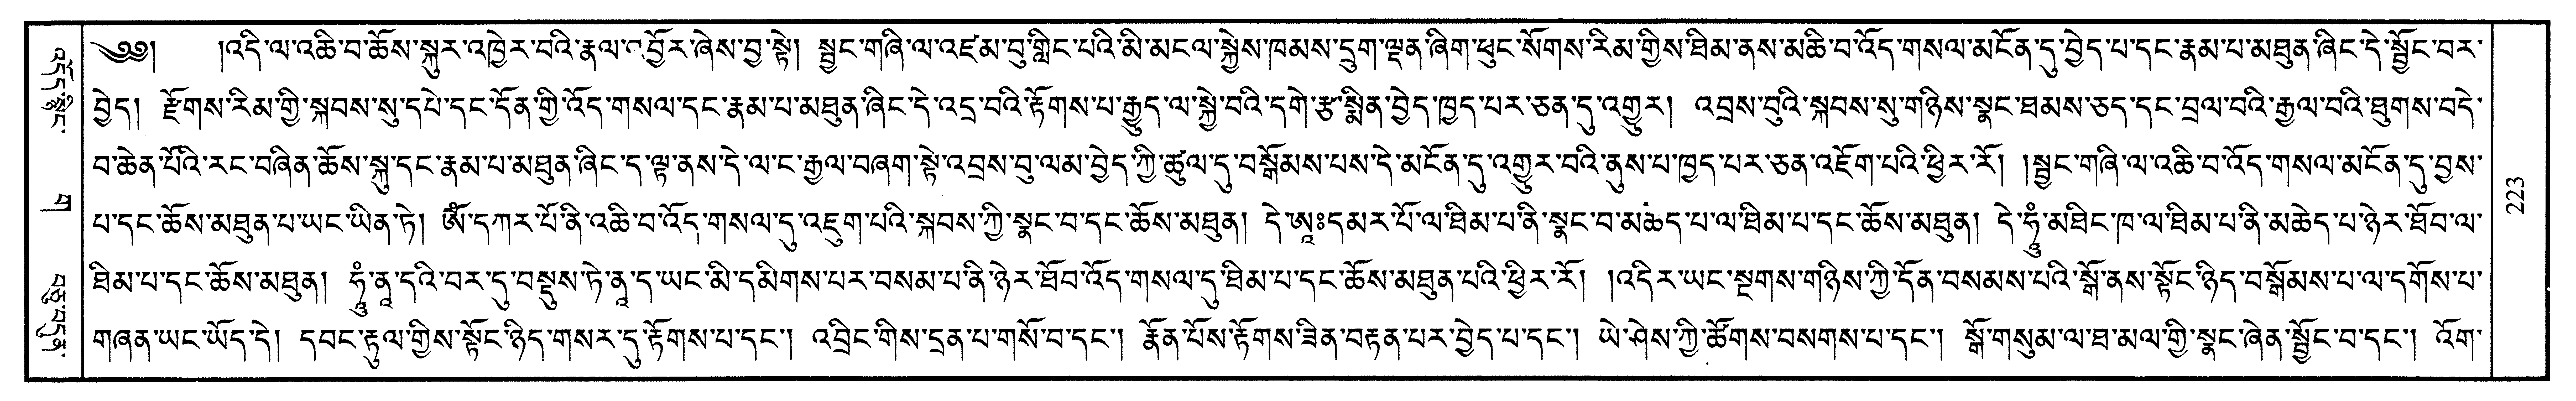༄༅། །འདི་ལ་འཆི་བ་ཆོས་སྐུར་འཁྱེར་བའི་རྣལ་འབྱོར་ཞེས་བྱ་སྟེ། སྦྱང་གཞི་ལ་འཛམ་བུ་གླིང་པའི་མི་མངལ་སྐྱེས་ཁམས་དྲུག་ལྡན་ཞིག་ཕུང་སོགས་རིམ་གྱིས་ཐིམ་ནས་མཆི་བ་འོད་གསལ་མངོན་དུ་བྱེད་པ་དང་རྣམ་པ་མཐུན་ཞིང་དེ་སྦྱོང་བར་
བྱེད། རྫོགས་རིམ་གྱི་སྐབས་སུ་དཔེ་དང་དོན་གྱི་འོད་གསལ་དང་རྣམ་པ་མཐུན་ཞིང་དེ་འདྲ་བའི་རྟོགས་པ་རྒྱུད་ལ་སྐྱེ་བའི་དགེ་རྩ་སྨིན་བྱེད་ཁྱད་པར་ཅན་དུ་འགྱུར། འབྲས་བུའི་སྐབས་སུ་གཉིས་སྣང་ཐམས་ཅད་དང་བྲལ་བའི་རྒྱལ་བའི་ཐུགས་བདེ་
བ་ཆེན་པོའི་རང་བཞིན་ཆོས་སྐུ་དང་རྣམ་པ་མཐུན་ཞིང་ད་ལྟ་ནས་དེ་ལ་ང་རྒྱལ་བཞག་སྟེ་འབྲས་བུ་ལམ་བྱེད་ཀྱི་ཚུལ་དུ་བསྒོམས་པས་དེ་མངོན་དུ་འགྱུར་བའི་ནུས་པ་ཁྱད་པར་ཅན་འཇོག་པའི་ཕྱིར་རོ། །སྦྱང་གཞི་ལ་འཆི་བ་འོད་གསལ་མངོན་དུ་བྱས་
པ་དང་ཆོས་མཐུན་པ་ཡང་ཡིན་ཏེ། ཨོཾ་དཀར་པོ་ནི་འཆི་བ་འོད་གསལ་དུ་འཇུག་པའི་སྐབས་ཀྱི་སྣང་བ་དང་ཆོས་མཐུན། དེ་ཨཱཿ དམར་པོ་ལ་ཐིམ་པ་ནི་སྣང་བ་མཆེད་པ་ལ་ཐིམ་པ་དང་ཆོས་མཐུན། དེ་ཧཱུཾ་མཐིང་ཁ་ལ་ཐིམ་པ་ནི་མཆེད་པ་ཉེར་ཐོབ་ལ་
ཐིམ་པ་དང་ཆོས་མཐུན། ཧཱུཾ་ནཱ་དའི་བར་དུ་བསྡུས་ཏེ་ནཱ་ད་ཡང་མི་དམིགས་པར་བསམ་པ་ནི་ཉེར་ཐོབ་འོད་གསལ་དུ་ཐིམ་པ་དང་ཆོས་མཐུན་པའི་ཕྱིར་རོ། །འདིར་ཡང་སྔགས་གཉིས་ཀྱི་དོན་བསམས་པའི་སྒོ་ནས་སྟོང་ཉིད་བསྒོམས་པ་ལ་དགོས་པ་
གཞན་ཡང་ཡོད་དེ། དབང་རྟུལ་གྱིས་སྟོང་ཉིད་གསར་དུ་རྟོགས་པ་དང་། འབྲིང་གིས་དྲན་པ་གསོ་བ་དང་། རྣོན་པོས་རྟོགས་ཟིན་བརྟན་པར་བྱེད་པ་དང་། ཡེ་ཤེས་ཀྱི་ཚོགས་བསགས་པ་དང་། སྒོ་གསུམ་ལ་ཐ་མལ་གྱི་སྣང་ཞེན་སྦྱོང་བ་དང་། འོག་